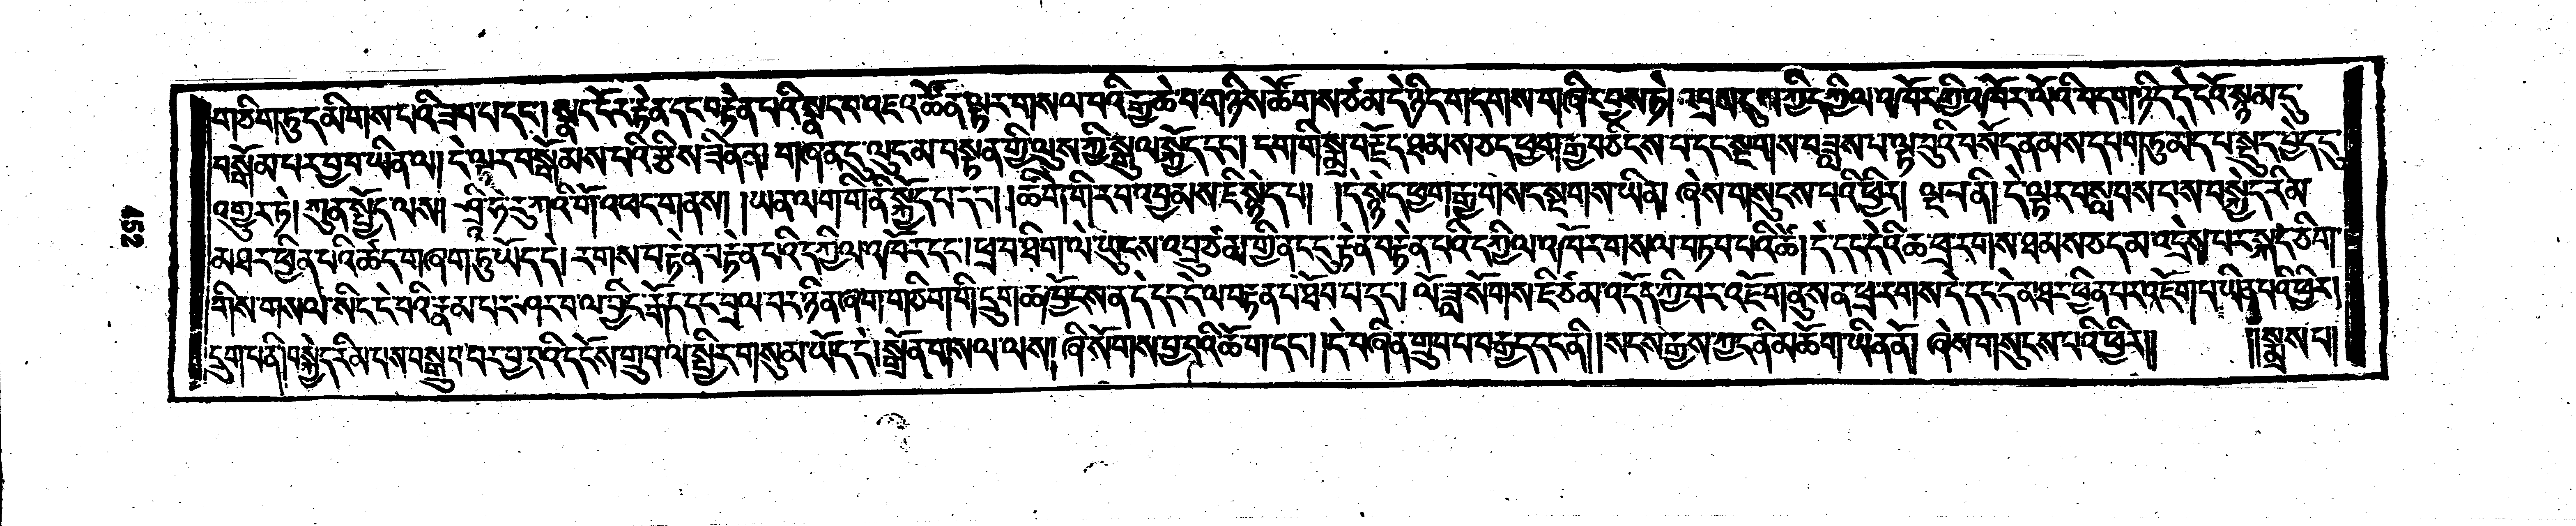གཅིག་ཏུ་དམིགས་པའི་ཟབ་པ་དང་། སྣང་ངོར་རྟེན་དང་བརྟེན་པའི་སྣང་བ་འཇའ་ཚོན་ལྟར་གསལ་བའི་རྒྱ་ཆེ་བ་གཉིས་ཚོགས་ཙམ་དེ་ཉིད་གདགས་གཞིར་བྱས་ཏེ། འབྲས་དུས་ཀྱི་དཀྱིལ་འཁོར་གྱི་འཁོར་ལོའི་བདག་ཉིད་དེ་ངའོ་སྙམ་དུ་
བསྒོམ་པར་བྱ་བ་ཡིན་ལ། དེ་ལྟར་བསྒོམས་པའི་རྩིས་ཟིན་ན། གཞན་དུ་ལུང་མ་བསྟན་གྱི་ལུས་ཀྱི་སྒུལ་སྐྱོད་དང་། ངག་གི་སྨྲ་བརྗོད་ཐམས་ཅད་ཕྱག་རྒྱ་བཅིངས་པ་དང་སྔགས་བཟླས་པ་ལྟ་བུའི་བསོད་ནམས་དཔག་ཏུ་མེད་པ་སྡུད་བྱེད་དུ་
འགྱུར་ཏེ། ཀུན་སྤྱོད་ལས། ཤྲཱི་ཧེ་རུ་ཀའི་གོ་འཕང་གནས། །ཡན་ལག་གི་ནི་སྤྱོད་པ་དང་། །ཚིག་གི་རབ་འབྱམས་ཇི་སྙེད་པ། །དེ་སྙེད་ཕྱག་རྒྱ་གསང་སྔགས་ཡིན། ཞེས་གསུངས་པའི་ཕྱིར། ལྔ་པ་ནི། དེ་ལྟར་བསླབས་པས་བསྐྱེད་རིམ་
མཐར་ཕྱིན་པའི་ཚད་གཞག་ཏུ་ཡོད་དེ། རགས་བརྟེན་བརྟེན་པའི་དཀྱིལ་འཁོར་དང་། ཕྲག་ཐིག་ལེ་ཡུངས་འབྲུ་ཙམ་གྱི་ནང་དུ་རྟེན་བརྟེན་པའི་དཀྱིལ་འཁོར་གསལ་བཏབ་པའི་ཚེ། དེ་དང་དེའི་ཆ་ཕྲ་རགས་ཐམས་ཅད་མ་འདྲེས་པར་སྐད་ཅིག་
གིས་གསལ་སིང་ངེ་བའི་རྣམ་པར་ཤར་བ་ལ་བྱིང་རྒོད་དང་པྲལ་བར་ཉིན་ཞག་གཅིག་གི་དྲུག་ཆ་ཁྱོངས་ན་དེ་དང་དེ་ལ་བརྟན་པ་ཐོབ་པ་དང་། ལོ་ཟླ་སོགས་ཇི་ཙམ་འདོད་ཀྱི་བར་འཇོག་ནུས་ན་ཕྲ་རགས་དེ་དང་དེ་མཐར་ཕྱིན་པར་འཇོག་པ་ཡིན་པའི་ཕྱིར།
དྲུག་པ་ནི། བསྐྱེད་རིམ་པས་བསྒྲུབ་པར་བྱ་བའི་དངོས་གྲུབ་ལ་སྤྱིར་གསུམ་ཡོད་དེ། སྒོན་གསལ་ལས། ཞི་སོགས་བྱ་བའི་ཆོ་ག་དང་། །དེ་བཞིན་གྲུབ་པ་བརྒྱད་དང་ནི། །སངས་རྒྱས་ཀྱང་ནི་མཆོག་ཡིན་ནོ། །ཞེས་གསུངས་པའི་ཕྱིར།། །།སྨརས་པ།